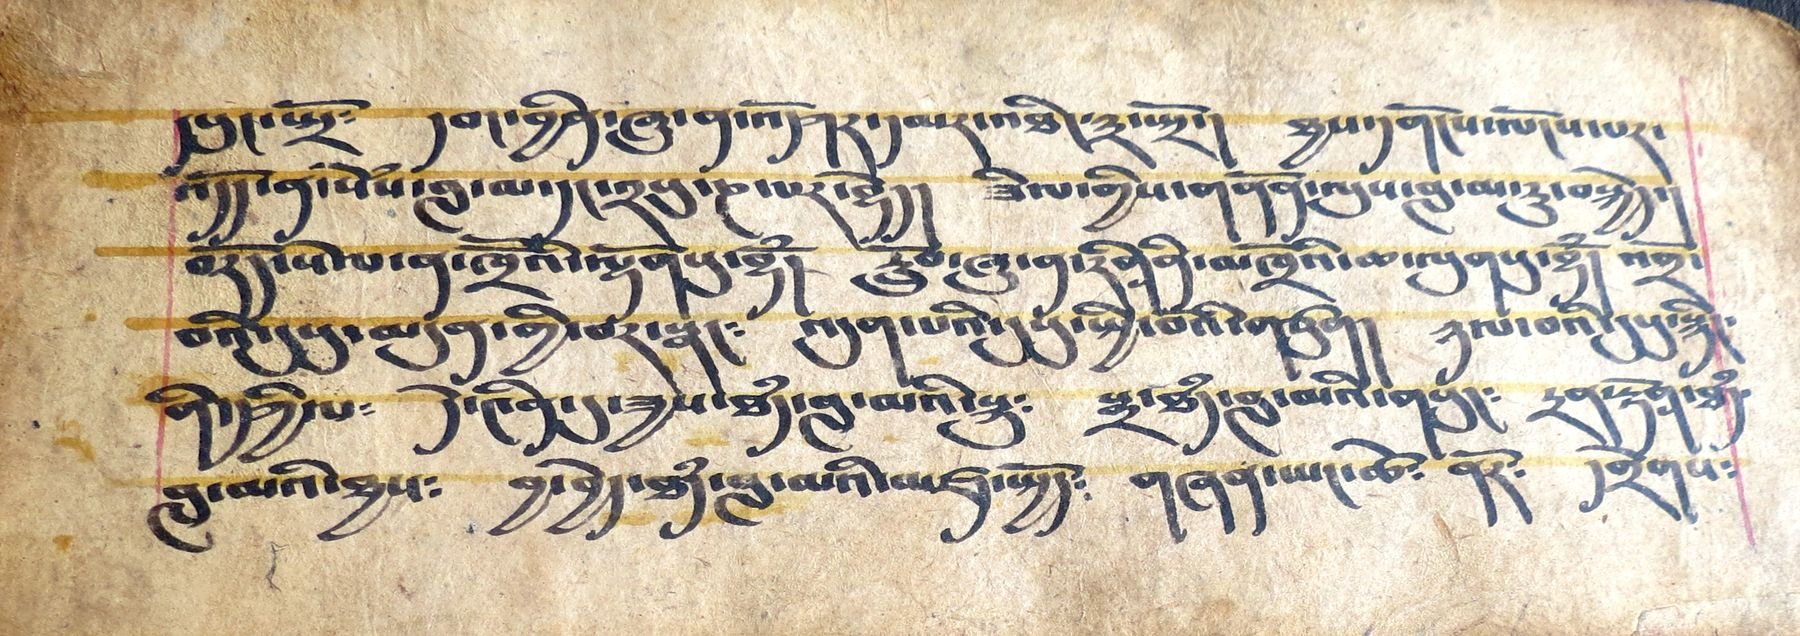དཔུང་དུ་སྤྲོ། དབང་བྱིན་རླབས་ཞུ་ན་འོད་དཀར་དམར་མཐིང་གསུམ་སྤྲོ། ཐུགས་དགོངས་ལོན་པར་
འདོད་ན། སེམས་བླ་མ་དང་གཉིས་སུ་མེད་པར་བསྐྱེད། ཟིལ་གྱིས་གནོན་ནས་ལུས་བླ་མ་རུ་བསྐྱེད། 
བར་ཆོད་སེལ་ན་ཁྲོ་བོའི་ལྷ་ཚོགས་སུ་བསྐྱེད། བྱིན་རླབས་ཞུ་ན་རིག་འཛིན་མཁའ་འཁྲོའི་ཆ་ལུགས་སུ་བསྐྱེད། འགྲོ་
བའི་དུས་སུ་མདུན་གྱི་བར་སྣང་བསྐྱེད། འདུག་པའི་དུས་སུ་སྤྱི་བོའི་གཙུག ཉལ་བའི་དུས་སུ་སྙིང་
གི་དཀྱིལ། དེ་བཞིན་དུ་གཟུགས་ཐམས་ཅད་བླ་མའི་སྐུ། སྒྲ་ཐམས་ཅད་བླ་མའི་གསུང་། དྲན་རྟོག་ཐམས་ཅད་
བླ་མའི་ཐུགས། བྱ་བྱེད་ཐམས་ཅད་བླ་མའི་མཛད་སྤྱོད། གཞན་ཡང་ཚེ་ནོར། དགྲ་བགེགས་